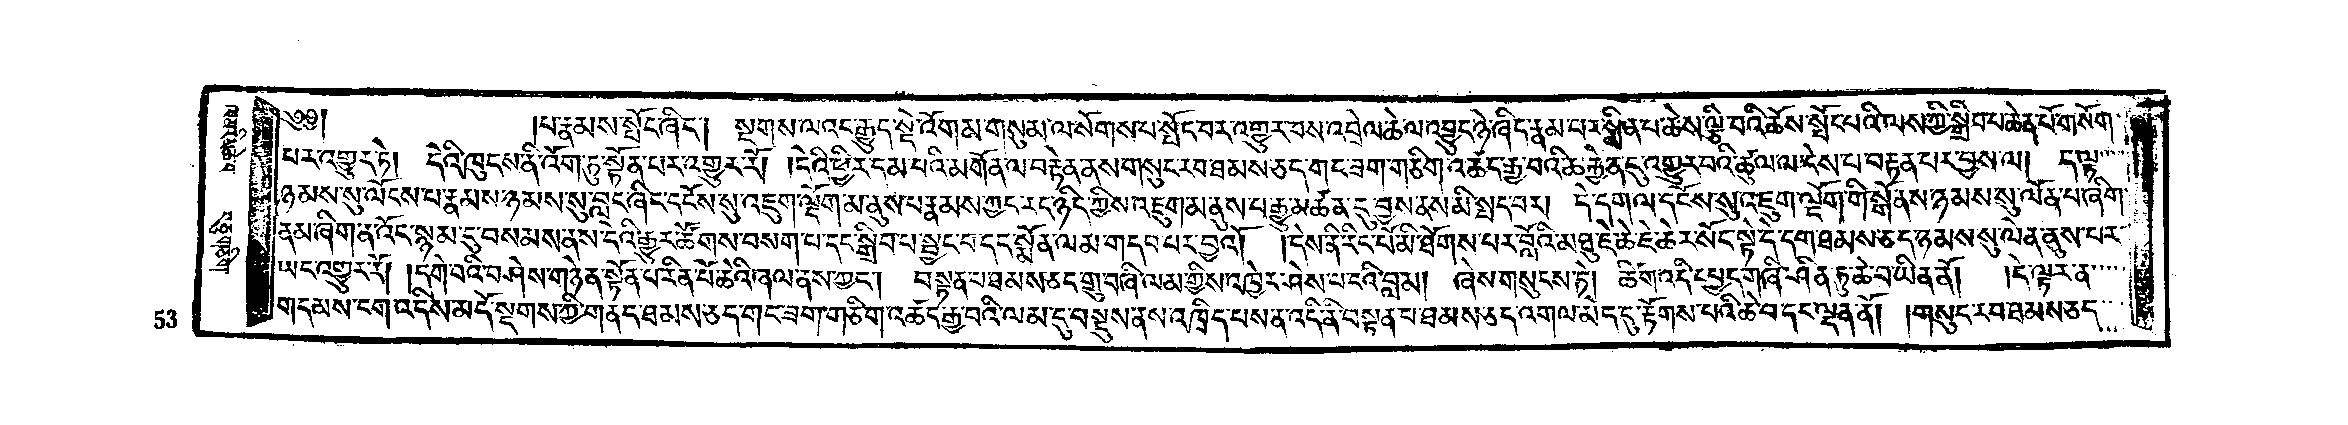༄༅། །པ་རྣམས་སྤོང་ཞིང་། སྔགས་ལའང་རྒྱུད་སྡེ་འོག་མ་གསུམ་ལ་སོགས་པ་སྤོང་བར་འགྱུར་བས་འབྲེལ་ཆེ་ལ་འབྱུང་ཉེ་ཞིང་རྣམ་པར་སྨིན་པ་ཆེས་ལྕི་བའི་ཆོས་སྤོང་བའི་ལས་ཀྱི་སྒྲིབ་པ་ཆེན་པོ་གསོག་
པར་འགྱུར་ཏེ། དེའི་ཁུངས་ནི་འོག་ཏུ་སྟོན་པར་འགྱུར་རོ། །དེའི་ཕྱིར་དམ་པའི་མགོན་ལ་བརྟེན་ནས་གསུང་རབ་ཐམས་ཅད་གང་ཟག་གཅིག་འཚང་རྒྱ་བའི་ཆ་རྐྱེན་དུ་འགྱུར་བའི་ཚུལ་ལ་ངེས་པ་བརྟན་པར་བྱས་ལ། ད་ལྟ་
ཉམས་སུ་ལོངས་པ་རྣམས་ཉམས་སུ་བླང་ཞིང་དངོས་སུ་འཇུག་ལྡོག་མ་ནུས་པ་རྣམས་ཀྱང་རང་ཉིད་ཀྱིས་འཇུག་མ་ནུས་པ་རྒྱུ་མཚན་དུ་བྱས་ནས་མི་སྤང་བར། དེ་དག་ལ་དངོས་སུ་འཇུག་ལྡོག་གི་སྒོ་ནས་ཉམས་སུ་ལོན་པ་ཞིག་
ནམ་ཞིག་ན་འོང་སྙམ་དུ་བསམས་ནས་དེའི་རྒྱུར་ཚོགས་བསག་པ་དང་སྒྲིབ་པ་སྦྱང་བ་དང་སྨོན་ལམ་གདབ་པར་བྱའོ། །དེས་ནི་རིང་པོ་མི་ཐོགས་པར་བློའི་མཐུ་ཇེ་ཆེ་ཇེ་ཆེར་སོང་སྟེ་དེ་དག་ཐམས་ཅད་ཉམས་སུ་ལེན་ནུས་པར་
ཡང་འགྱུར་རོ། །དགེ་བའི་བཤེས་གཉེན་སྟོན་པ་རིན་པོ་ཆེའི་ཞལ་ནས་ཀྱང་། བསྟན་པ་ཐམས་ཅད་གྲུ་བཞི་ལམ་གྱིས་འཁྱེར་ཤེས་པ་ངའི་བླ་མ། ཞེས་གསུངས་ཏེ། ཚིག་འདི་དཔྱད་གཞི་ཤིན་ཏུ་ཆེ་བ་ཡིན་ནོ། །དེ་ལྟར་ན་
གདམས་ངག་འདིས་མདོ་སྔགས་ཀྱི་གནད་ཐམས་ཅད་གང་ཟག་གཅིག་འཚང་རྒྱ་བའི་ལམ་དུ་བསྡུས་ནས་འཁྲིད་པས་ན་འདི་ནི་བསྟན་པ་ཐམས་ཅད་འགལ་མེད་དུ་རྟོགས་པའི་ཆེ་བ་དང་ལྡན་ནོ། །གསུང་རབ་ཐམས་ཅད་